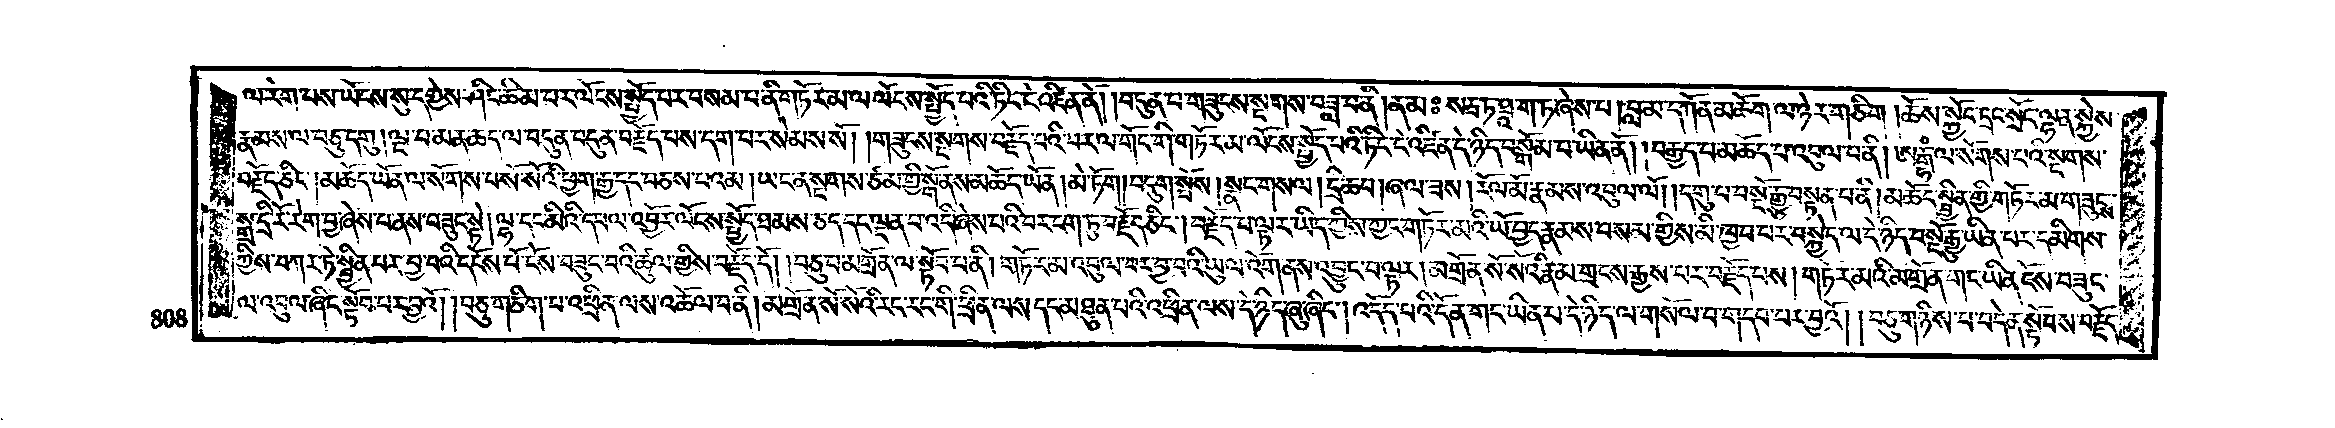ལ་རེག་པས་ཡོངས་སུ་དགྱེས་ཤིང་ཚིམ་པར་ལོངས་སྤྱོད་པར་བསམ་པ་ནི་གཏོར་མ་ལ་ལོངས་སྤྱོད་པའི་ཏིང་ངེ་འཛིན་ནོ། །བདུན་པ་གཟུངས་སྔགས་བཟླ་བ་ནི། ན་མཿ སརྦ་ཏ་ཐཱ་ག་ཏ་ཞེས་པ། བླ་མ་དཀོན་མཆོག་ལ་ཉེར་གཅིག །ཆོས་སྐྱོང་དྲང་སྲོང་ལྷན་སྐྱེས་
རྣམས་ལ་བཅུ་དགུ །ལྔ་པ་མན་ཆད་ལ་བདུན་བདུན་བརྗོད་པས་དག་པར་སེམས་སོ། །གཟུངས་སྔགས་བརྗོད་པའི་བར་ལ་གོང་གི་གཏོར་མ་ལོངས་སྤྱོད་པའི་ཏིང་ངེ་འཛིན་དེ་ཉིད་བསྒོམ་པ་ཡིན་ནོ། །བརྒྱད་པ་མཆོད་པ་འབུལ་བ་ནི། ཨརྒྷཾ་ལ་སོགས་པའི་སྔགས་
བརྗོད་ཅིང་། མཆོད་ཡོན་ལ་སོགས་པ་སོ་སོའི་ཕྱག་རྒྱ་དང་བཅས་པའམ་།ཡང་ན་སྔགས་ཙམ་གྱི་སྒོ་ནས་མཆོད་ཡོན། མེ་ཏོག །བདུག་སྤོས། སྣང་གསལ། དྲི་ཆབ། ཞལ་ཟས། རོལ་མོ་རྣམས་འབུལ་ལོ། །དགུ་པ་བསྔོ་རྒྱུ་བསྟན་པ་ནི། མཆོད་སྦྱིན་གྱི་གཏོར་མ་གཟུགས་
སྒྲ་དྲི་རོ་རེག་བྱ་ཞེས་པ་ནས་བཟུང་སྟེ། ལྷ་དང་མིའི་དཔལ་འབྱོར་ལོངས་སྤྱོད་ཐམས་ཅད་དང་ལྡན་པ་འདི་ཞེས་པའི་བར་ངག་ཏུ་བརྗོད་ཅིང་། བརྗོད་པ་ལྟར་ཡིད་ཀྱིས་ཀྱང་གཏོར་མའི་ཡོ་བྱད་རྣམས་བསམ་གྱིས་མི་ཁྱབ་པར་བསྐྱེད་ལ་དེ་ཉིད་བསྔོ་རྒྱུ་ཡིན་པར་དམིགས་
ཀྱིས་བཀར་ཏེ་སྦྱིན་པར་བྱ་བའི་དངོས་པོ་ངོས་བཟུང་བའི་ཚུལ་གྱིས་བརྗོད་དོ། །བཅུ་པ་མགྲོན་ལ་སྟོབ་པ་ནི། གཏོར་མ་འབུལ་བར་བྱ་བའི་ཡུལ་འོག་ནས་འབྱུང་བ་ལྟར། མགྲོན་སོ་སོའི་རྣམ་གྲངས་རྒྱས་པར་བརྗོད་པས། གཏོར་མའི་མགྲོན་གང་ཡིན་ངོས་བཟུང་
ལ་འབུལ་ཞིང་སྟོབ་པར་བྱའོ། །བཅུ་གཅིག་པ་འཕྲིན་ལས་འཆོལ་བ་ནི། མགྲོན་སོ་སོའི་རང་རང་གི་ཕྲིན་ལས་དང་མཐུན་པའི་འཕྲིན་ལས་དེ་ཉིད་ཞུ་ཞིང་། འདོད་པའི་དོན་གང་ཡིན་པ་དེ་ཉིད་ལ་གསོལ་བ་གདབ་པར་བྱའོ། །བཅུ་གཉིས་པ་བདེན་སྟོབས་བརྗོད་